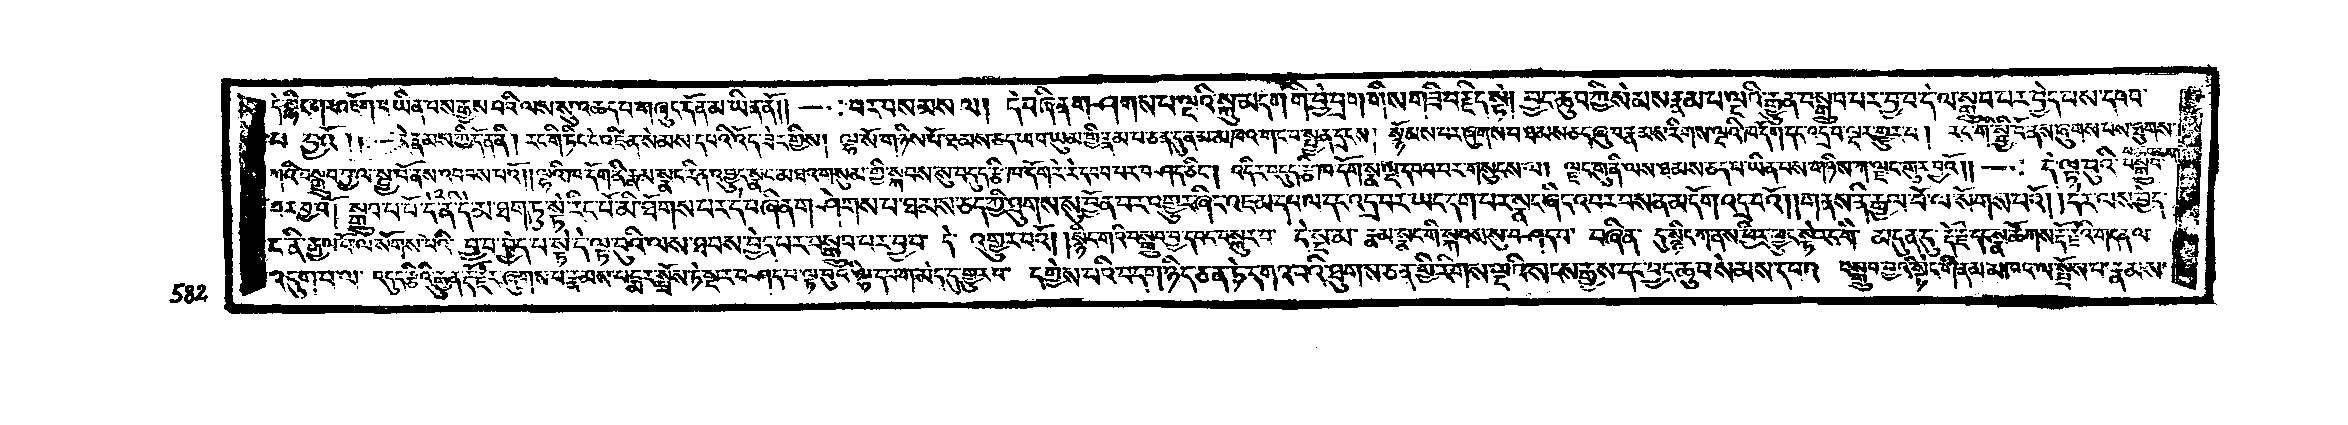དེ་སྙིང་གར་འཇོག་པ་ཡིན་པས་རྒྱས་པའི་ལས་སུ་འཆད་པ་གཞུང་དོན་མ་ཡིན་ནོ།། .H བར་བསམས་ལ། དེ་བཞིན་གཤེགས་པ་ལྔའི་སྐུ་མདོག་གི་བྱེ་བྲག་གིས་གཟི་བརྗིད་སྟེ། བྱང་ཆུབ་ཀྱི་སེམས་རྣམ་པ་ལྔའི་རྒྱུན་བསྒྲུབ་པར་བྱ་བ་དེ་ལ་སྒྲུབ་པར་བྱེད་པས་དབབ་
པར་བྱའོ། ། H.་དེ་རྣམས་ཀྱི་དོན་ནི། རང་གི་ཏིང་ངེ་འཛིན་སེམས་དཔའི་འོད་ཟེར་གྱིས། ལྷ་སོ་གཉིས་པོ་ཐམས་ཅད་ཡབ་ཡུམ་གྱི་རྣམ་པ་ཅན་དུ་ནམ་མཁའ་གང་བ་སྤྱན་དྲངས། སྙོམས་པར་ཞུགས་པ་ཐམས་ཅད་ཞུ་བ་རྣམས་རིགས་ལྔའི་ཁ་དོག་དང་འདྲ་བ་ལྔར་གྱུར་བ། རང་གི་སྤྱི་བོ་ནས་ཞུགས་པས་ཐུགས་
ཀའི་བསྒྲུབ་བྱ་ལ་སྤྱི་བོ་ནས་འབབས་པའོ། །ལྷའི་ཁ་དོག་ནི་རྣམ་སྣང་རིན་འབྱུང་སྣང་མཐའ་གསུམ་གྱི་སྐབས་སུ་བདུད་རྩི་ཁ་དོག་རེ་རེ་དབབ་པར་བཤད་ཅིང་། འདིར་བདུད་རྩི་ཁ་དོག་སྣ་ལྔ་དབང་བར་གསུངས་ལ། ལྗང་གུ་ནི་ལས་ཐམས་ཅད་པ་ཡིན་པས་གཉིས་ཀ་ལྗང་གུར་བྱའོ།། .H དེ་ལྟ་བུའི་པ་ཚབ་ཆག་བསྒྲུབ་
པར་བྱ་བ། སྒྲུབ་པ་པོ་དེ་ནི་དེ་མ་ཐག་ཏུ་སྟེ་རིང་པོ་མི་ཐོགས་པར་དེ་བཞིན་གཤེགས་པ་ཐམས་ཅད་ཀྱི་ཐུགས་སུ་བྱོན་པར་འགྱུར་ཞིང་འཇམ་དཔལ་དང་འདྲ་བར་ཡང་དག་པར་སྣང་ཞིང་འབར་བས་ན་མདོག་འདྲ་བའོ། །གནས་ནི་རྒྱལ་པོ་ལ་སོགས་པའོ། །དེར་ལས་བྱེད་
པ་ནི་རྒྱལ་བ་ལ་སོགས་པའི་བྱ་བ་བྱེད་པ་སྟེ་དེ་ལྟ་བུའི་ལས་ཐབས་བྱེད་པར་བསྒྲུབ་པར་བྱ་བ་དེ་འགྱུར་བའོ། །སྙིང་གའི་བསྒྲུབ་བྱ་དབང་བསྐུར་བ་དེ་སྔ་མ་རྣམ་སྣང་གི་སྐབས་སུ་བཤད་པ་བཞིན་དུ་སྙིང་ག་ནས་ཕྱིར་ཕྱུང་སྟེ་རང་གི་མདུན་དུ་རྡོ་རྗེ་དང་སྣ་ཚོགས་རྡོ་རྗེའི་གདན་ལ་
འདུག་པ་ལ་བདུད་རྩིའི་རྒྱུན་རྡོ་རྗེར་ཞུགས་པ་རྣམས་པདམར་སྤྲོས་ཏེ་སྔར་བཤད་པ་ལྟ་བུའི་ལྷ་དཔག་མེད་དུ་གྱུར་པ་དགྱེས་པའི་དབང་ཉིད་ཅན་ཏེ་དགའ་བའི་ཐུགས་ཅན་གྱི་རིགས་ལྔའི་སངས་རྒྱས་དང་བྱང་ཆུབ་སེམས་དཔའ་བསྒྲུབ་བྱའི་སྟེང་གི་ནམ་མཁའ་ལ་སྤྲོས་པ་རྣམས་